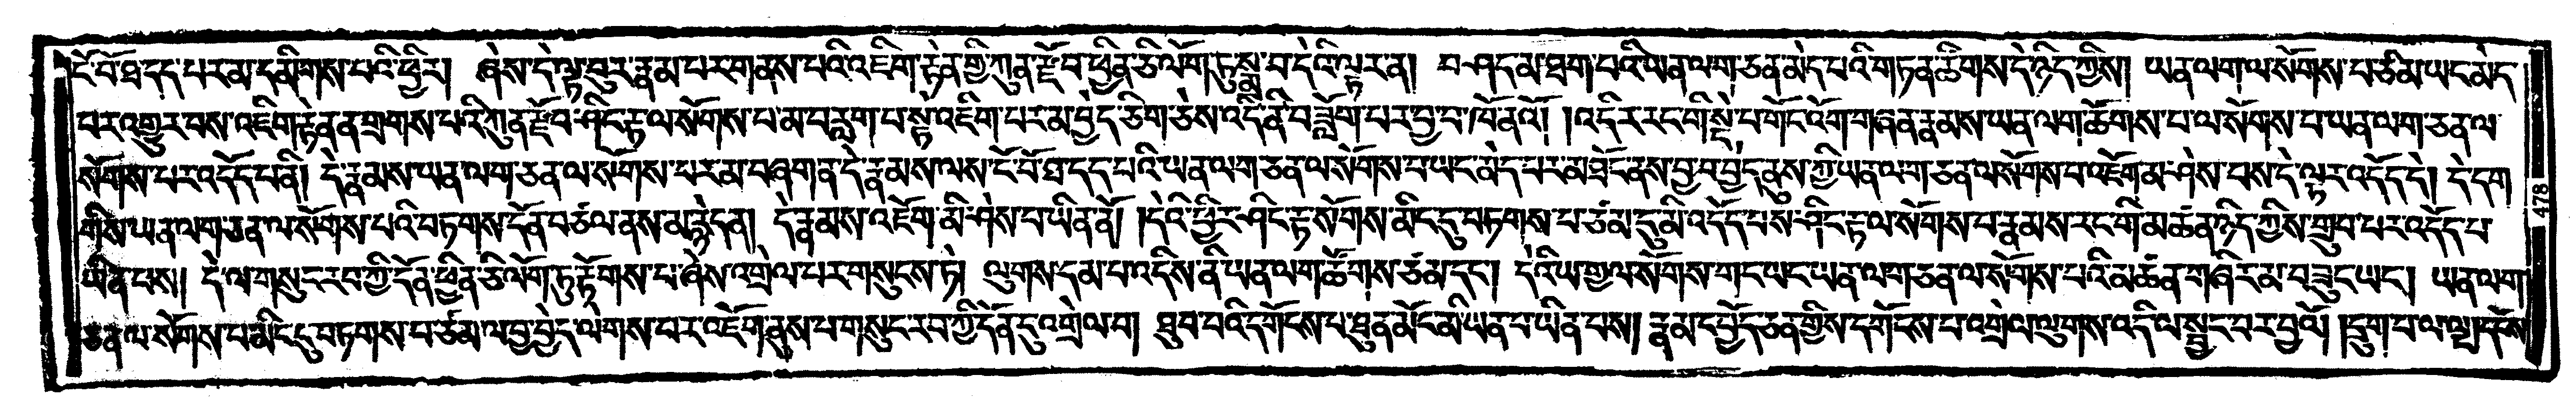ངོ་བོ་ཐ་དད་པར་མ་དམིགས་པའི་ཕྱིར། ཞེས་དེ་ལྟ་བུར་རྣམ་པར་གནས་པའི་འཇིག་རྟེན་གྱི་ཀུན་རྫོབ་ཕྱིན་ཅི་ལོག་ཏུ་སྨྲ་བ་དེའི་ལྟར་ན། བཤད་མ་ཐག་པའི་ཡན་ལག་ཅན་མེད་པའི་གཏན་ཚིགས་དེ་ཉིད་ཀྱིས། ཡན་ལག་ལ་སོགས་པ་ཙམ་ཡང་མེད་
པར་འགྱུར་བས་འཇིག་རྟེན་ན་གྲགས་པའི་ཀུན་རྫོབ་ཤིང་རྟ་ལ་སོགས་པ་མ་བརླག་པ་སྟེ་འཇིག་པར་མ་བྱེད་ཅིག་ཅེས་འདི་ནི་བཟློག་པར་བྱ་བ་ཁོ་ནའོ། །འདིར་རང་གི་སྡེ་པ་གོང་འོག་གཞན་རྣམས་ཡན་ལག་ཚོགས་པ་ལ་སོགས་པ་ཡན་ལག་ཅན་ལ་
སོགས་པར་འདོད་པ་ནི། དེ་རྣམས་ཡན་ལག་ཅན་ལ་སོགས་པར་མ་བཞག་ན་དེ་རྣམས་ལས་ངོ་བོ་ཐ་དད་པའི་ཡན་ལག་ཅན་ལ་སོགས་པ་ཡང་མེད་པར་མཐོང་ནས་བྱ་བ་བྱེད་ནུས་ཀྱི་ཡན་ལག་ཅན་ལ་སོགས་པ་འཇོག་མ་ཤེས་པས་དེ་ལྟར་འདོད་དེ། དེ་དག་
གིས་ཡན་ལག་ཅན་ལ་སོགས་པའི་བཏགས་དོན་བཙལ་ནས་མ་རྙེད་ན། དེ་རྣམས་འཇོག་མི་ཤེས་པ་ཡིན་ནོ། །དེའི་ཕྱིར་ཤིང་རྟ་སོགས་མིང་དུ་བཏགས་པ་ཙམ་དུ་མི་འདོད་པས་ཤིང་རྟ་ལ་སོགས་པ་རྣམས་རང་གི་མཚན་ཉིད་ཀྱིས་གྲུབ་པར་འདོད་པ་
ཡིན་པས། དེ་ལ་གསུང་རབ་ཀྱི་དོན་ཕྱིན་ཅི་ལོག་ཏུ་རྟོགས་པ་ཞེས་འགྲེལ་པར་གསུངས་ཏེ། ལུགས་དམ་པ་འདིས་ནི་ཡན་ལག་ཚོགས་ཙམ་དང་། དེའི་ཡ་གྱལ་སོགས་གང་ཡང་ཡན་ལག་ཅན་ལ་སོགས་པའི་མཚན་གཞིར་མ་བཟུང་ཡང་། ཡན་ལག་
ཅན་ལ་སོགས་པ་མིང་དུ་བཏགས་པ་ཙམ་ལ་བྱ་བྱེད་ལེགས་པར་འཇོག་ནུས་པ་གསུང་རབ་ཀྱི་དོན་དུ་འགྲེལ་པ། ཐུབ་པའི་དགོངས་པ་ཐུན་མོང་མ་ཡིན་པ་ཡིན་པས། རྣམ་དཔྱོད་ཅན་གྱིས་དགོངས་པ་འགྲེལ་ལུགས་འདི་ལ་སྦྱང་བར་བྱའོ། །དྲུག་པ་ལ་ལྔ། དངོས་